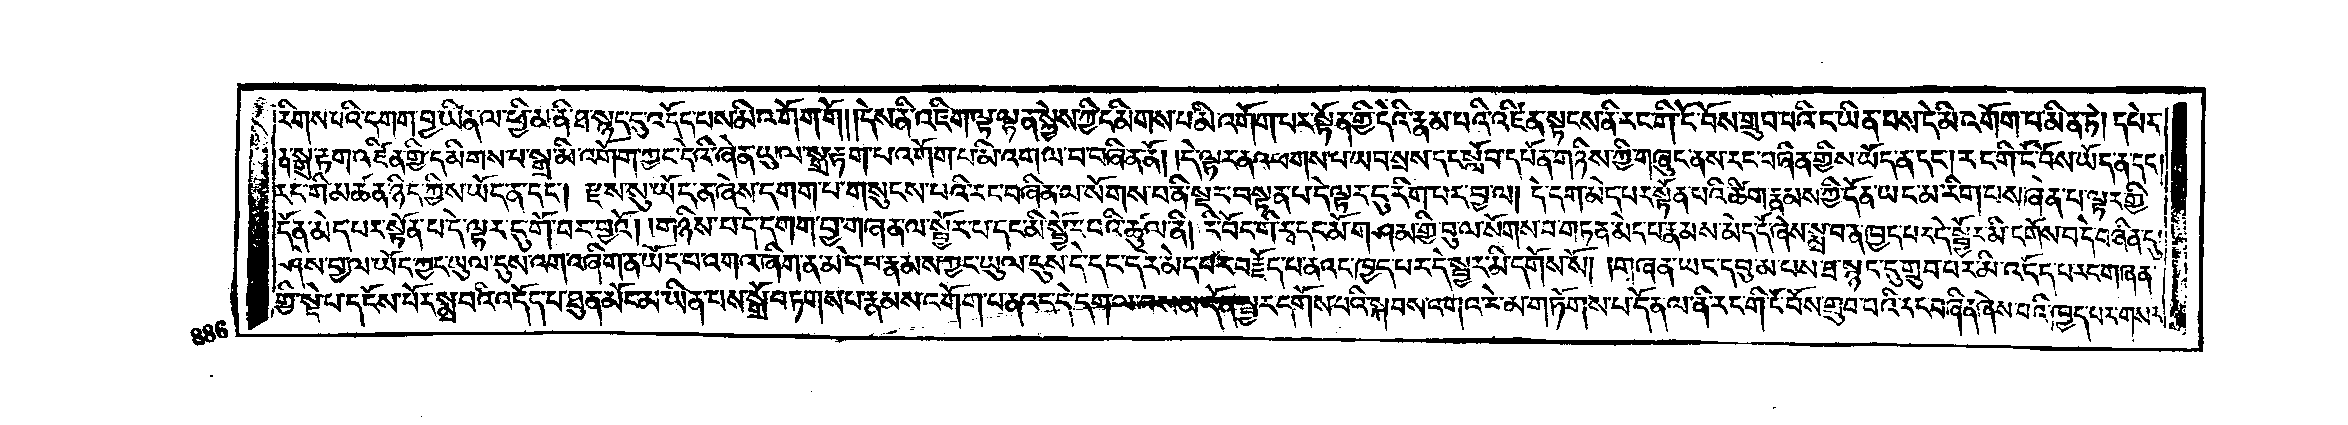རིགས་པའི་དགག་བྱ་ཡིན་ལ་ཕྱི་མ་ནི་ཐ་སྙད་དུ་འདོད་པས་མི་འགོག་གོ། །དེས་ནི་འཇིག་ལྟ་ལྷན་སྐྱེས་ཀྱི་དམིགས་པ་མི་འགོག་པར་སྟོན་གྱི་དེའི་རྣམ་པའི་འཛིན་སྟངས་ནི་རང་གི་ངོ་བོས་གྲུབ་པའི་ང་ཡིན་པས་དེ་མི་འགོག་པ་མིན་ཏེ། དཔེར་
ན་སྒྲ་རྟག་འཛིན་གྱི་དམིགས་པ་སྒྲ་མི་འགོག་ཀྱང་དེའི་ཞེན་ཡུལ་སྒྲ་རྟག་པ་འགོག་པ་མི་འགལ་བ་བཞིན་ནོ། །དེ་ལྟར་ན་འཕགས་པ་ཡབ་སྲས་དང་སློབ་དཔོན་གཉིས་ཀྱི་གཞུང་ནས་རང་བཞིན་གྱིས་ཡོད་ན་དང་། རང་གི་ངོ་བོས་ཡོད་ན་དང་
རང་གི་མཚན་ཉིད་ཀྱིས་ཡོད་ན་དང་། རྫས་སུ་ཡོད་ན་ཞེས་དགག་པ་གསུངས་པའི་རང་བཞིན་ལ་སོགས་པ་ནི་སྔར་བསྟན་པ་དེ་ལྟར་དུ་རིག་པར་བྱ་ལ། དེ་དག་མེད་པར་སྟོན་པའི་ཚིག་རྣམས་ཀྱི་དོན་ཡང་མ་རིག་པས་ཞེན་པ་ལྟར་གྱི་
དོན་མེད་པར་སྟོན་པ་དེ་ལྟར་དུ་གོ་བར་བྱའོ། །གཉིས་པ་དེ་དགག་བྱ་གཞན་ལ་སྦྱོར་བ་དང་མི་སྦྱོར་བའི་ཚུལ་ནི། རི་བོང་གི་རྭ་དང་མོ་གཤམ་གྱི་བུ་ལ་སོགས་པ་གཏན་མེད་པ་རྣམས་མེད་དོ་ཞེས་སྨྲ་བ་ན་ཁྱད་པར་དེ་སྦྱོར་མི་དགོས་པ་དེ་བཞིན་དུ།
ཤེས་བྱ་ལ་ཡོད་ཀྱང་ཡུལ་དུས་འགའ་ཞིག་ན་ཡོད་པ་འགའ་ཞིག་ན་མེད་པ་རྣམས་ཀྱང་ཡུལ་དུས་དེ་དང་དེར་མེད་པར་བརྗོད་པ་ནའང་ཁྱད་པར་དེ་སྦྱར་མི་དགོས་སོ། །གཞན་ཡང་དབུ་མ་པས་ཐ་སྙད་དུ་གྲུབ་པར་མི་འདོད་པ་རང་གཞན་
གྱི་སྡེ་པ་དངོས་པོར་སྨྲ་བའི་འདོད་པ་ཐུན་མོང་མ་ཡིན་པས་སྒྲོ་བཏགས་པ་རྣམས་འགོག་པ་ནའང་དེ་དག་ལ་བསམ་ངོ་ན་སྦྱར་དགོས་པའི་སྐབས་འགའ་རེ་མ་གཏོགས་པ་དོན་ལ་ནི་རང་གི་ངོ་བོས་གྲུབ་པའི་རང་བཞིན་ཞེས་པའི་ཁྱད་པར་གསར་